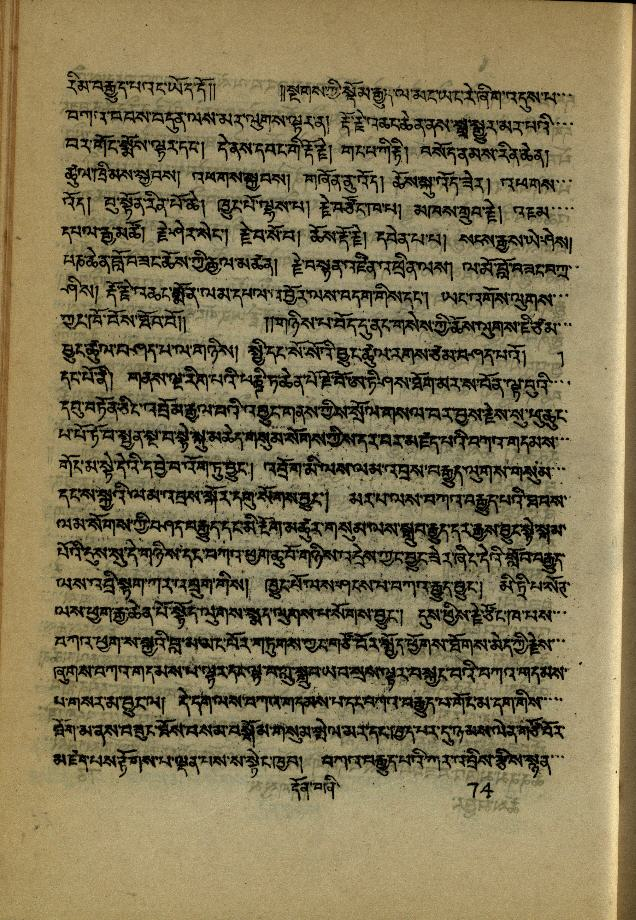རིམ་བརྒྱུད་པའང་ཡོད་དོ།། །།སྔགས་ཀྱི་སྡོམ་རྒྱུད་ལ་མང་ཡང་རེ་ཞིག་འདུས་པ་
བཀའ་བབས་བདུན་ལས་མར་ལུགས་ལྟར་ན། རྡོ་རྗེ་འཆང་ཆེན་ནས་སྒྲ་སྒྱུར་མར་པའི་
བར་གོང་སྨོས་ལྟར་དང་། དེ་ནས་དབང་གི་རྡོ་རྗེ། གང་པ་ཀིརྟི། བསོད་ནམས་རིན་ཆེན།
ཚུལ་ཁྲིམས་སྐྱབས། འཕགས་སྐྱབས། གཞོན་ནུ་འོད། ཆོས་སྐུ་འོད་ཟེར། འཕགས་
འོད། བུ་སྟོན་རིན་པོ་ཆེ། ཁྱུང་པོ་ལྷས་པ། རྗེ་བཙོང་ཁ་པ། མཁས་གྲུབ་རྗེ། འཇམ་
དཔལ་རྒྱ་མཚོ། རྗེ་ཤེར་སེང་། རྗེ་བ་སོ་བ། ཆོས་རྡོ་རྗེ། དབེན་པ་པ། སངས་རྒྱས་ཡེ་ཤེས།
པཎ་ཆེན་བློ་བཟང་ཆོས་ཀྱི་རྒྱལ་མཚན། རྗེ་བསྟན་འཛིན་འཕྲིན་ལས། ལ་མོ་བློ་བཟང་བཀྲ་
ཤིས། རྡོ་རྗེ་འཆང་སྨོན་ལམ་དཔལ་འབྱོར་ལས་བདག་གིས་དང་། ཡང་འགོས་ལུགས་
ཀྱང་ཁོ་བོས་ཐོབ་བོ།། །།གཉིས་པ་བོད་དུ་ནང་གསེས་ཀྱི་ཆོས་ལུགས་ཇི་ཙམ་
བྱུང་ཚུལ་བཤད་པ་ལ་གཉིས། སྤྱི་དང་སོ་སོའི་བྱུང་ཚུལ་རགས་ཙམ་བཤད་པའོ། །
དང་པོ་ནི། གནས་ལྔ་རིག་པའི་པཎྜི་ཏ་ཆེན་པོ་ཇོ་བོ་ཨ་ཏི་ཤས་ཐོག་མར་ས་བོན་ལྟ་བུའི་
དབུ་བཏོན་ཅིང་འབྲོམ་རྒྱལ་བའི་འབྱུང་གནས་ཀྱིས་སྲོལ་གསལ་བར་བྱས་རྗེས་སུ་ཕུ་ཆུང་
པ་པོ་ཏོ་བ་སྤྱན་སྔ་བ་སྟེ་སྐུ་མཆེད་གསུམ་སོགས་ཀྱིས་དར་བར་མཛད་པའི་བཀའ་གདམས་
གོང་མ་སྟེ་དེའི་དབྱེ་བ་འོག་ཏུ་བྱུང་། འབྲོག་མི་ལས་ལམ་འབྲས་བརྒྱུད་ལུགས་གསུམ་
དང་ས་སྐྱའི་ལམ་འབྲས་སྐོར་དགུ་སོགས་བྱུང་། མར་པ་ལས་བཀའ་བརྒྱུད་པའི་ཐབས་
ལམ་སོགས་ཀྱི་བཤད་བརྒྱུད་དང་མི་རྔོག་མཚུར་གསུམ་ལས་སྒྲུབ་རྒྱུད་དར་རྒྱས་བྱུང་སྟེ་སྒམ་
པོའི་དུས་སུ་དེ་གཉིས་དང་བཀའ་ཕྱག་ཆུ་བོ་གཉིས་འདྲེས་ཀྱང་བྱུང་ཟེར་ཞིང་དེའི་སློབ་བརྒྱུད་
ལས་འབྲི་སྟག་ཀར་འབྲུག་གིས། ཁྱུང་པོ་ལས་ཤངས་པ་བཀའ་རྒྱུད་བྱུང་། མི་ཏྲི་པ་སོཊ་
ལས་ཕྱག་རྒྱ་ཆེན་པོ་སྟོད་ལུགས་སྨད་ལུགས་པ་སོགས་བྱུང་། དུས་ཕྱིས་རྗེ་ཙོང་ཁ་པས་
བཀའ་ཕྱག་ས་སྐྱའི་བླ་མ་མང་པོར་གཏུགས་ཀྱང་གཙོ་བོར་སྤྱོད་ཕྱོགས་ཐོགས་མེད་ཀྱི་རྗེས་
ཞུགས་བཀའ་གདམས་པ་ལྟར་དང་ལྟ་བ་ཀླུ་སྒྲུབ་ཡབ་སྲས་ལྟར་བསྐྱང་བའི་བཀའ་གདམས་
པ་གསར་མ་བྱུང་ལ། དེ་དག་ལས་བཀའ་གདམས་པ་དང་བཀའ་བརྒྱུད་པ་གོང་མ་དག་གིས་
ཐོག་མ་ནས་བཟུང་ཐོས་བསམ་བསྒོམ་གསུམ་སྤེལ་མར་དང་ཁྱད་པར་དུ་ཉམས་ལེན་གཙོ་བོར་
མཛད་པས་རྟོགས་པ་ལྡན་པས་ས་སྟེང་ཁྱབ། བཀའ་བརྒྱུད་པའི་ཀར་འབྲིས་རྩིས་སྙན་